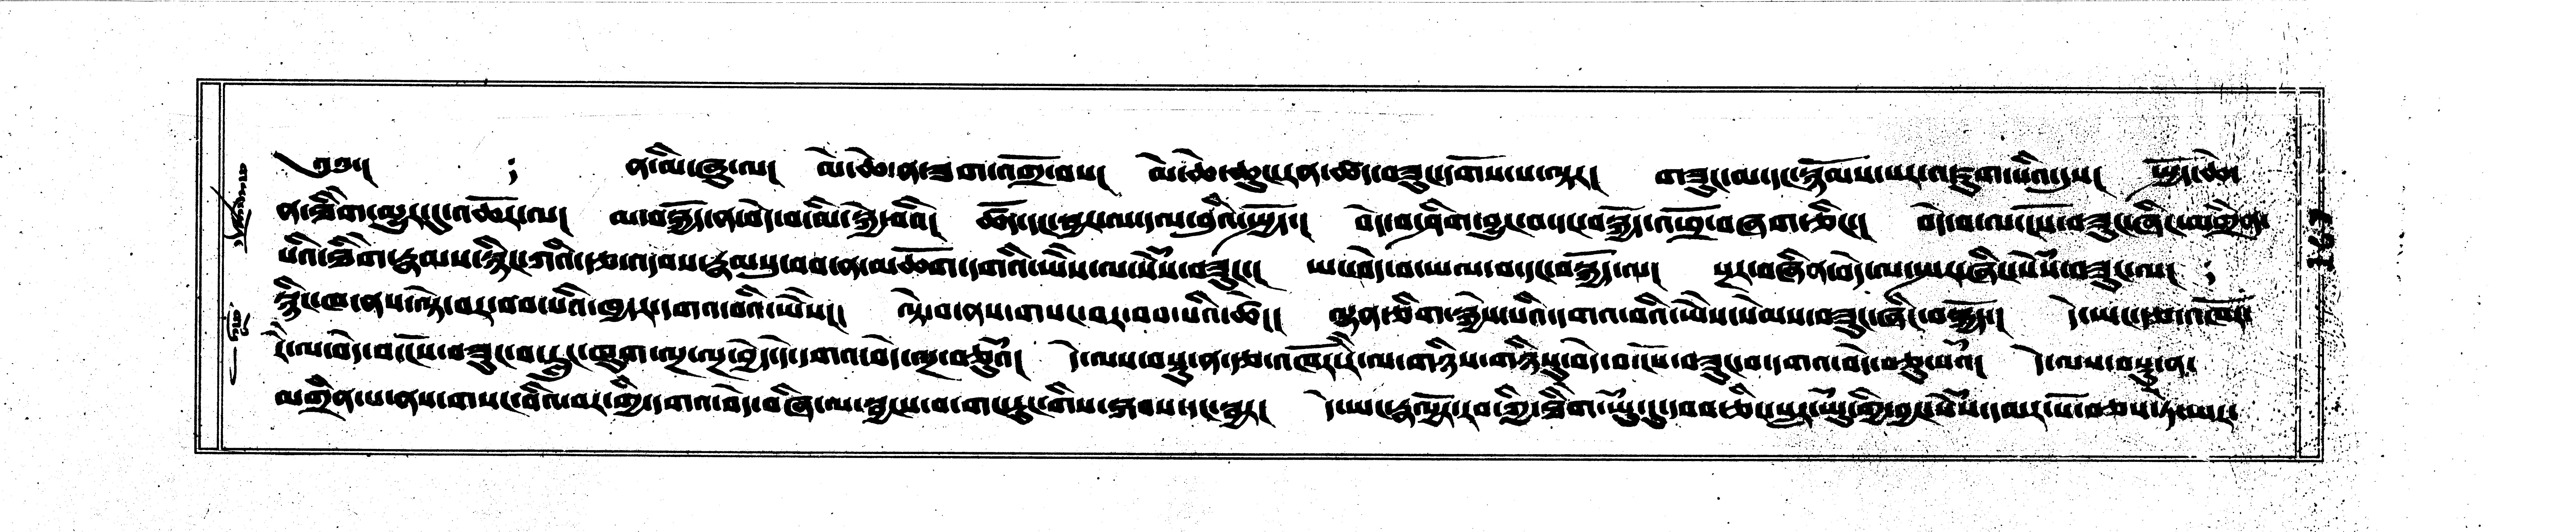ན་མི་ཞུ་ལ། མེ་ཆེ་ན་ཐག་འགྲོ་བས། མེ་ཆེ་ཆུང་རན་ཚད་བཟུང་དགོས་པ་ལྟར། གཟུང་མ་དང་སྙོམས་པར་འཇུག་པའི་དུས་སུ། སྤྱོད་ཆེ་
ན་ཐིག་ལེ་མྱུར་དུ་འཆོར་ལ། མ་བསྐྱོད་ན་བདེ་བ་མི་སྐྱེ་བས། ཚོད་དང་སྦྱར་ལ་དལ་བུས་བསྐྱོད། བདེ་བ་ཞིག་བྱུང་བ་དང་བསྐྱོད་འཕྲོ་བཞག་ཅིང་། བདེ་བ་ལ་ངོས་བཟུང་ཞིང་མགྲིན་
པའི་ཐིག་ལེ་རྣམས་སྙིང་གའི་རྩ་འདབ་རྣམས་སུ་བབས་ན་མཆོག་དགའི་ཡེ་ཤེས་ལ་སེམས་བཟུང་། ཡང་བདེ་བ་ཡལ་བ་དང་བསྐྱོད་ལ། སྔར་བཞིན་བདེ་ལ་སྤར་ཞིང་སེམས་བཟུང་ལ། 
སྙིང་ཁ་ནས་ལྟེ་བར་བབས་པའི་ཁྱད་པར་དགའ་བའི་ཡེ་ཤེས། ལྟེ་བ་ནས་གསང་བར་བབས་པའི་ཚེ། ལྷན་ཅིག་སྐྱེས་པའི་དགའ་བའི་ཡེ་ཤེས་ལ་སེམས་བཟུང་ཞིང་བསྐྱོད། དེ་ཡང་རྩ་འཁོར་
རེ་ལ་བདེ་བ་ངོས་བཟུང་བ་རླུང་ཁུག་ལྔ་ལྔ་བྱེད་དེ་དགའ་བདེ་ལྔ་བཅུའམ། དེ་ལས་བསྡུ་ན་རྩ་འཁོར་རེ་ལ་གཉིས་གཉིས་སུ་བདེ་བ་ངོས་བཟུང་བ་དགའ་བདེ་བཅུ་པའམ། དེ་ལས་བསྡུ་ན་
མགྲིན་པ་ནས་གསང་བའི་བར་གྱི་དགའ་བདེ་གཞི་མ་སྦྱངས་པ་གང་རུང་གིས་སྐབས་དང་སྦྱར། དེ་ཡང་རྣལ་འབྱོར་རབ་ཀྱི་ཐིག་ལེ་ཡུམ་དུ་དབབ་ཅིང་། སླར་ཡུམ་གྱི་བྱང་སེམས་དམར་པོ་བཅས་ཏེ་ཡར་